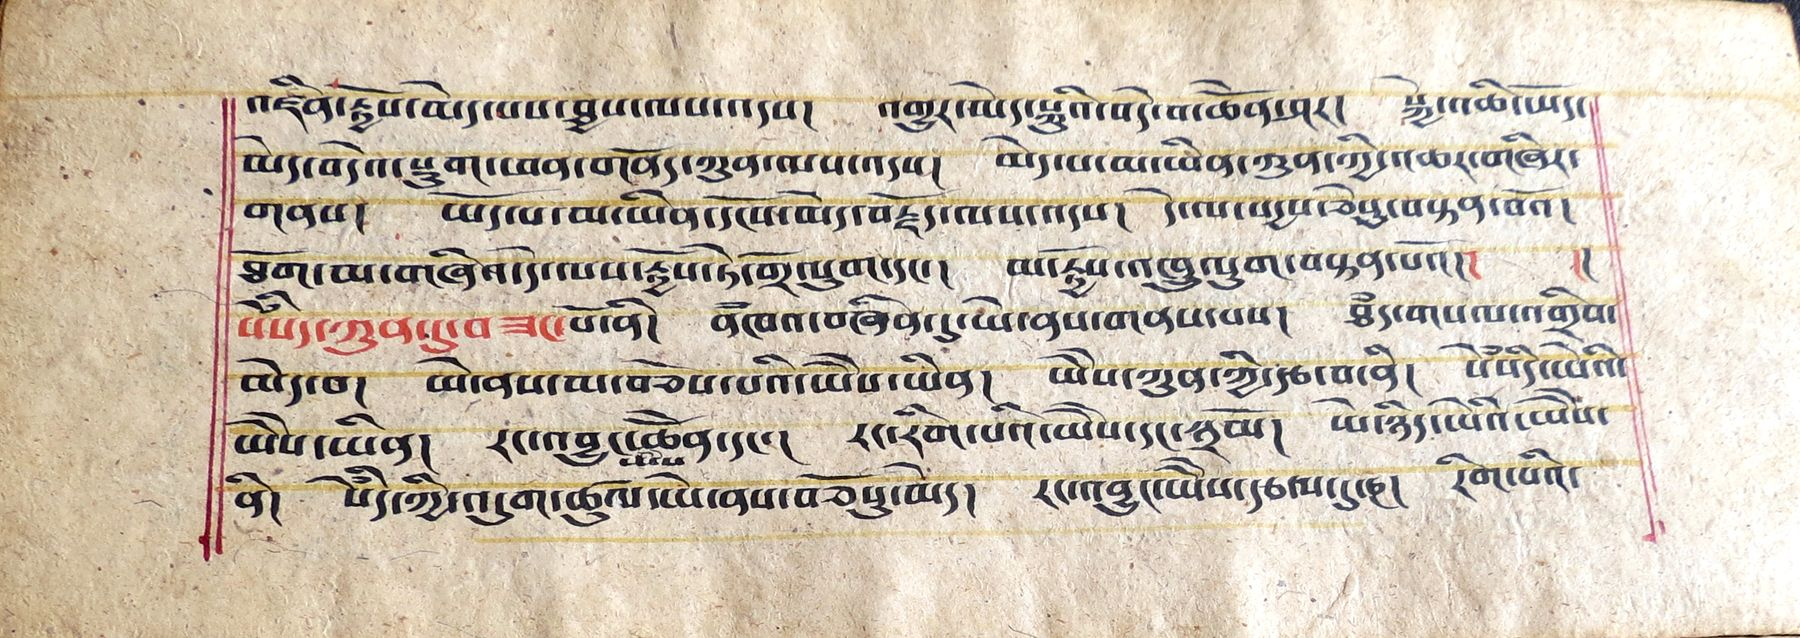འཛིན་རྟོག་མེད་པས་ཐུགས་ལས་འདས། འགྱུར་མེད་སྐུའི་བདེ་བ་ཆེན་པོ་ཤར། སྐྱེ་འཆི་ཡོད་
མེད་བདེ་སྡུག་ཕན་གནོད་ཀུན་ལས་འདས། མེད་པ་མ་ཡིན་ཀུན་གྱི་འཆར་གཞིར་
གནས། ཡོད་པ་མ་ཡིན་དངོས་མེད་བརྗོད་ལས་འདས། དེ་ལ་སངས་རྒྱས་ཅེས་སུ་བསྟན་པའོ། ། 
སེམས་ཉིད་ཀུན་ཏུ་བཟང་པོ་ནི། ནམ་མཁའ་བཞིན་དུ་ཡེ་ནས་གནས་པས། ཐམས་ཅད་གསལ་འགྲིབ་
མེད་པ། ཡེ་ནས་མ་བཅོས་པའི་ཡེ་ཤེས་ཡིན། ཡེ་ཤེས་ཀུན་གྱི་རྩ་བ་ནི། སེམས་ཉིད་ཡེའི་
ཡེ་ཤེས་ཡིན། རང་འབྱུང་ཡེ་ཤེས་ཆེན་པོ་དང་། རང་རིག་པའི་ཡེ་ཤེས་དང་གསུམ་མོ། ཡེ་ཉིད་ཡེ་ཡི་ཡེ་ཤེས་
ནི། སེམས་ཉིད་ཀྱི་འདུག་ཚུལ་ཡེ་ནས་བཅོས་སུ་མེད། རང་འབྱུང་ཡེ་ཤེས་བཙལ་དུ་མེད། རིག་པའི་